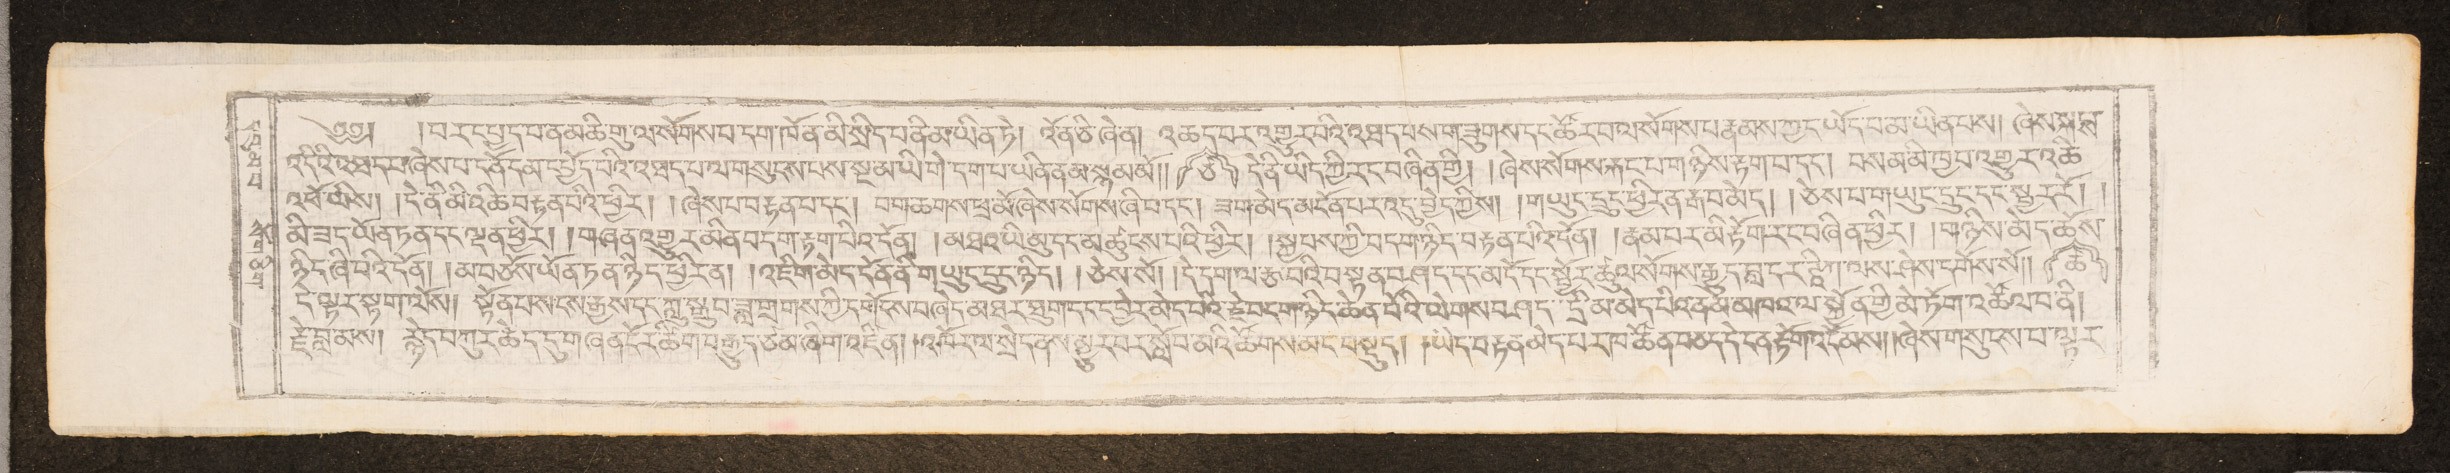༄༅། །པར་དཔྱད་པ་ན་མཆི་གུ་ལ་སོགས་པ་དག་ཁོ་ན་མི་སྲིད་པ་ནི་མ་ཡིན་ཏེ། འོ་ན་ཅི་ཞེ་ན། འཆད་པར་འགྱུར་བའི་འཐད་པས་གཟུགས་དང་ཚོར་བ་ལ་སོགས་པ་རྣམས་ཀྱང་ཡོད་པ་མ་ཡིན་པས། ཞེས་སྐབས་
འདིའི་འཐད་པ་ཞེས་པ་དོན་དམ་དཔྱོད་པའི་འཐད་པ་ལ་གསུངས་པས་སྔ་མ་ཡི་གེ་དག་པ་ཡིན་ནམ་སྙམ་མོ།། ༼༽ཙ༼༽ དེ་ནི་ཡིད་ཀྱི་རང་བཞིན་གྱི། །ཞེས་སོགས་རྐང་པ་གཉིས་རྟག་པ་དང་། བསམ་མི་ཁྱབ་འགྱུར་འཆི་
འཕོ་ཡིས། །དེ་ནི་མི་འཆི་བརྟན་པའི་ཕྱིར། །ཞེས་པ་བརྟན་པ་དང་། བག་ཆགས་ཕྲ་མོ་ཞེས་སོགས་ཞི་བ་དང་། ཟག་མེད་མངོན་པར་འདུ་བྱེད་ཀྱིས། །གཡུང་དྲུང་ཕྱིར་ན་རྒ་བ་མེད། །ཅེས་པ་གཡུང་དྲུང་དང་སྦྱར་རོ།།
མི་ཟད་ཡོན་ཏན་དང་ལྡན་ཕྱིར། །གཞན་འགྱུར་མིན་བདག་རྟག་པའི་དོན། །མཐའ་ཡི་མུ་དང་མཚུངས་པའི་ཕྱིར། །སྐྱབས་ཀྱི་བདག་ཉིད་བརྟན་པའི་དོན། །རྣམ་པར་མི་རྟོག་རང་བཞིན་ཕྱིར། །གཉིས་མེད་ཆོས་
ཉིད་ཞི་བའི་དོན། །མ་བཅོས་ཡོན་ཏན་ཉིད་ཕྱིར་ན། །འཇིག་མེད་དོན་ནི་གཡུང་དྲུང་ཉིད། །ཅེས་སོ། །དེ་དག་ལ་རྩ་བའི་བསྟན་བཤད་དང་མདོ་དང་སྦྱོར་ཚུལ་སོགས་རྒྱུད་བླ་དར་ཊཱིཀ་ལས་ཤེས་དགོས་སོ།། ༼༽ཚ༼༽
དེ་ལྟར་སྟག་ལོས། །སྟོན་པས་སངས་རྒྱས་དང་ཀཱུ་སྒྲུབ་ཟླ་གྲགས་ཀྱི་དགོངས་པ་ཞེས་མཐར་ཐུག་དང་དབྱེར་མེད་པའི་རྗེ་བདག་ཉིད་ཆེན་པོའི་ལེགས་བཤད་དྲི་མ་མེད་པའི་ནམ་མཁའ་ལ་སྐྱོན་གྱི་མེ་ཏོག་འཚོལ་བ་ནི།
རྗེ་བླ་མས། རྙེད་བཀུར་ཆེན་དུ་གཞན་དོར་ཚིག་བརྒྱུད་ཙམ་ཞིག་འཛིན། །འཁོར་ལ་སྲེད་ན་མྱུར་བར་སློབ་མའི་ཚོགས་མང་བསྡུད། །ཡིད་བརྟན་མེད་པར་ཁ་ཚོན་བཅད་དེ་ངན་རྟོག་འདོམས། །ཞེས་གསུངས་པ་ལྟར་